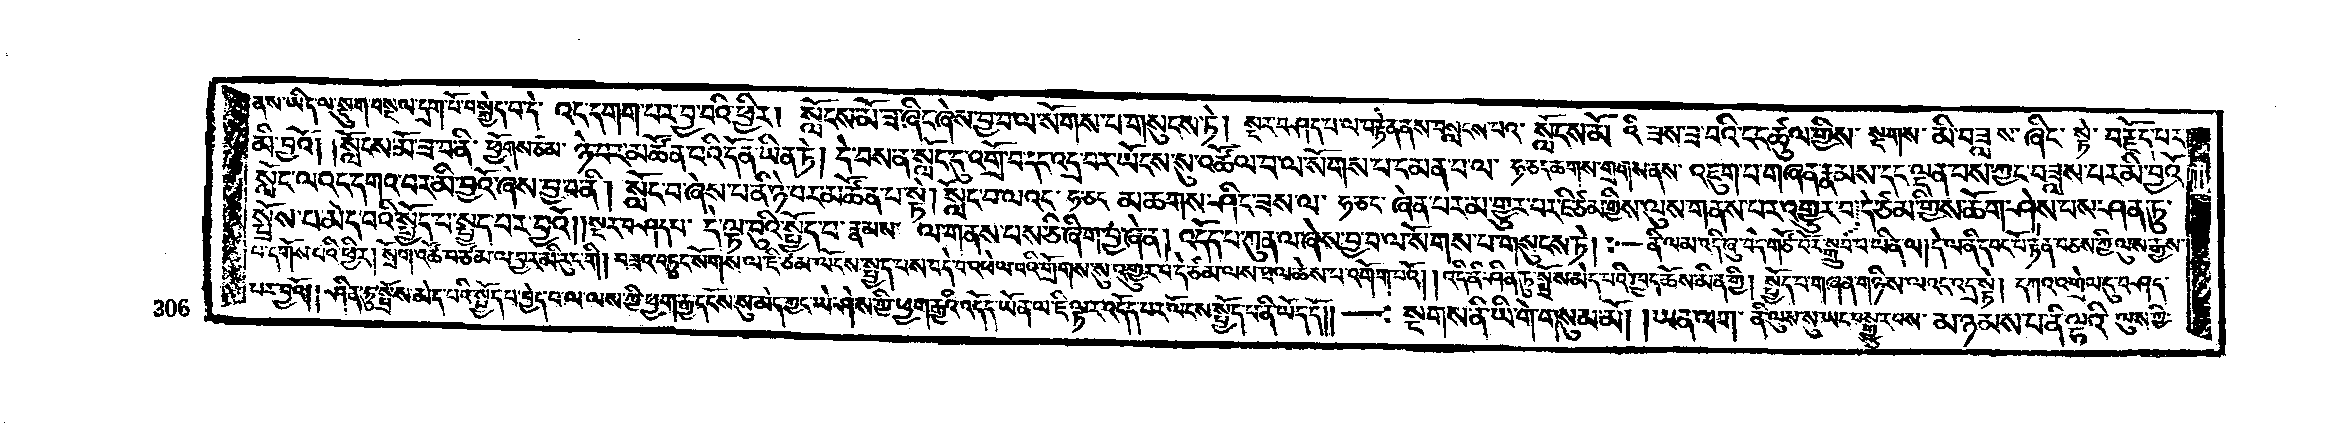ནས་ཡིད་ལ་སྡུག་བསྔལ་དྲག་པོ་བསྐྱེད་པ་དེ་འང་དགག་པར་བྱ་བའི་ཕྱིར། སློངས་མོ་ཟ་ཞིང་ཞེས་བྱ་བ་ལ་སོགས་པ་གསུངས་ཏེ། སྔར་བཤད་པ་ལ་བརྟེན་ནས་བསླངས་པའི་སློངས་མོའི་ཟས་ཟ་བའི་ངང་ཚུལ་གྱིས་སྔགས་མི་བཟླས་ཞིང་སྟེ་བརྗོད་པར་
མི་བྱའོ། །སློངས་མོ་ཟ་བ་ནི་ཕྱོགས་ཙམ་ཉེ་བར་མཚོན་པའི་དོན་ཡིན་ཏེ། དེ་བས་ན་སློང་དུ་འགྲོ་བ་དང་འདྲ་བར་ཡོངས་སུ་འཚོལ་བ་ལ་སོགས་པ་དམན་པ་ལ་ཧ་ཅང་ཆགས་གྲགས་ནས་འཇུག་པ་གཞན་རྣམས་དང་ལྡན་པས་ཀྱང་བཟླས་པར་མི་བྱའོ། །
སློང་ལའང་དགའ་བར་མི་བྱའོ་ཞེས་བྱ་བ་ནི། སློང་བ་ཞེས་པ་ནི་ཉེ་བར་མཚོན་པ་སྟེ། སློང་བ་ལའང་ཧ་ཅང་མ་ཆགས་ཤིང་ཟས་ལ་ཧ་ཅང་ཞེན་པར་མ་གྱུར་པར་ཇི་ཙམ་གྱིས་ལུས་གནས་པར་འགྱུར་བ་དེ་ཙམ་གྱིས་ཆོག་ཤེས་པས་ཤིན་ཏུ་
སྤྲོས་པ་མེད་པའི་སྤྱོད་པ་སྤྱད་པར་བྱའོ། ། སྔར་བཤད་པ་དེ་ལྟ་བུའི་སྤྱོད་པ་རྣམས་ལ་གནས་པས་ཅི་ཞིག་བྱ་ཞེ་ན། འདོད་པ་ཀུན་ལ་ཞེས་བྱ་བ་ལ་སོགས་པ་གསུངས་ཏེ།H.་ནི་ལམ་འདི་ཞུ་བདེ་གཙོ་བོར་སྒྲུབ་པ་ཡིན་ལ། དེ་ལ་ནི་དབང་པོ་རྟེན་བཅས་ཀྱི་ལུས་རྒྱས་
པ་དགོས་པའི་ཕྱིར། སྲོག་འཚོ་བ་ཙམ་ལ་བྱར་མི་རུང་གི །བཟའ་བཏུང་སོགས་ལ་ཇི་ཙམ་ལོངས་སྤྱད་པས་བདེ་བ་འཕེལ་བའི་གྲོགས་སུ་འགྱུར་བ་དེ་ཙམ་ལས་ཐལ་ཆེས་པ་འགོག་པའོ། །འདི་ནི་ཤིན་ཏུ་སྔོས་མེད་པའི་ཁྱད་ཆོས་མིན་གྱི། སྤྱོད་པ་གཞན་གཉིས་ལའང་འདྲ་སྟེ། དཀའ་འགྲེལ་དུ་བཤད་
པར་བྱའོ། །ཤིན་ཏུ་སྤྲོས་མེད་པའི་སྤྱོད་པ་བྱེད་པ་ལ་ལས་ཀྱི་ཕྱག་རྒྱ་དངོས་སུ་མེད་ཀྱང་ཡེ་ཤེས་ཀྱི་ཕྱག་རྒྱའི་འདོད་ཡོན་ལ་ཇི་ལྟར་འདོད་པར་ལོངས་སྤྱོད་པ་ནི་ཡོད་དོ།། .Hསྔགས་ནི་ཡི་གེ་གསུམ་མོ། །ཡན་ལག་ནི་ལུས་སུ་ཡང་བསྒྱུར་བས་མ་ཉམས་པ་ནི་ལྷའི་ལུས་ཀྱི